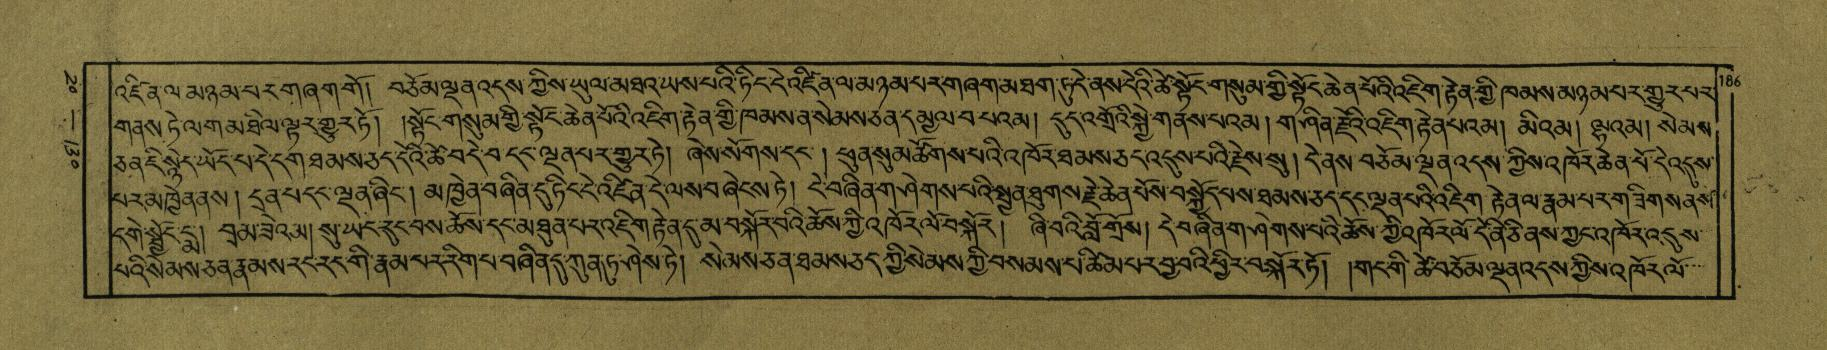འཛིན་ལ་མཉམ་པར་གཞག་གོ། བཅོམ་ལྡན་འདས་ཀྱིས་ཡུལ་མཐའ་ཡས་པའི་ཏིང་ངེ་འཛིན་ལ་མཉམ་པར་གཞག་མ་ཐག་ཏུ་དེ་ནས་དེའི་ཚེ་སྟོང་གསུམ་གྱི་སྟོང་ཆེན་པོའི་འཇིག་རྟེན་གྱི་ཁམས་མཉམ་པར་གྱུར་པར་
གནས་ཏེ་ལག་མཐིལ་ལྟར་གྱུར་ཏོ། །སྟོང་གསུམ་གྱི་སྟོང་ཆེན་པོའི་འཇིག་རྟེན་གྱི་ཁམས་ན་སེམས་ཅན་དམྱལ་བ་པའམ། དུད་འགྲོའི་སྐྱེ་གནས་པའམ། གཤིན་རྗེའི་འཇིག་རྟེན་པའམ། མིའམ། ལྷའམ། སེམས་
ཅན་ཇི་སྙེད་ཡོད་པ་དེ་དག་ཐམས་ཅད་དེའི་ཚེ་བདེ་བ་དང་ལྡན་པར་གྱུར་ཏེ། ཞེས་སོགས་དང་། ཕུན་སུམ་ཚོགས་པའི་འཁོར་ཐམས་ཅད་འདུས་པའི་རྗེས་སུ། དེ་ནས་བཅོམ་ལྡན་འདས་ཀྱིས་འཁོར་ཆེན་པོ་དེ་འདུས་
པར་མཁྱེན་ནས། དྲན་པ་དང་ལྡན་ཞིང་། མཁྱེན་བཞིན་དུ་ཏིང་ངེ་འཛིན་དེ་ལས་བཞེངས་ཏེ། དེ་བཞིན་གཤེགས་པའི་སྤྱན་ཐུགས་རྗེ་ཆེན་པོས་བསྐྱོད་པས་ཐམས་ཅད་དང་ལྡན་པའི་འཇིག་རྟེན་ལ་རྣམ་པར་གཟིགས་ནས་
དགེ་སྦྱོང་དམ། བྲམ་ཟེའམ། སུ་ཡང་རུང་བས་ཆོས་དང་མཐུན་པར་འཇིག་རྟེན་དུ་མ་བསྐོར་བའི་ཆོས་ཀྱི་འཁོར་ལོ་བསྐོར། ཞི་བའི་བློ་གྲོས། དེ་བཞིན་གཤེགས་པའི་ཆོས་ཀྱི་འཁོར་ལོ་དེ་ནི་ཅི་ནས་ཀྱང་འཁོར་འདུས་
པའི་སེམས་ཅན་རྣམས་རང་རང་གི་རྣམ་པར་རིག་པ་བཞིན་དུ་ཀུན་ཏུ་ཤེས་ཏེ། སེམས་ཅན་ཐམས་ཅད་ཀྱི་སེམས་ཀྱི་བསམས་པ་ཚིམ་པར་བྱ་བའི་ཕྱིར་བསྐོར་ཏོ། །གང་གི་ཚེ་བཅོམ་ལྡན་འདས་ཀྱིས་འཁོར་ལོ་